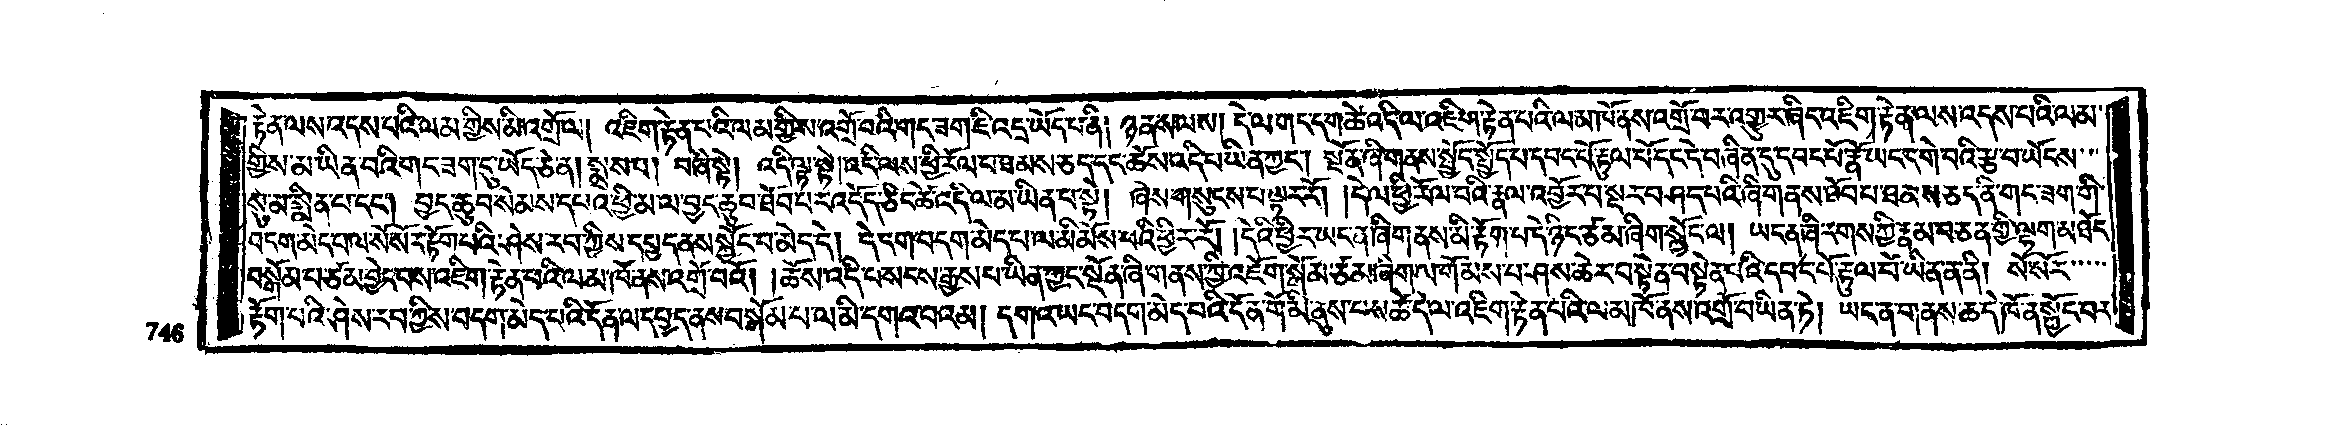རྟེན་ལས་འདས་པའི་ལམ་གྱིས་མི་འགྲོ་ལ། འཇིག་རྟེན་པའི་ལམ་གྱིས་འགྲོ་བའི་གང་ཟག་ཇི་འདྲ་ཡོད་པ་ནི། ཉན་ས་ལས། དེ་ལ་གང་དག་ཚེ་འདི་ལ་འཇིག་རྟེན་པའི་ལམ་ཁོ་ནས་འགྲོ་བར་འགྱུར་ཞིང་འཇིག་རྟེན་ལས་འདས་པའི་ལམ་
གྱིས་མ་ཡིན་པའི་གང་ཟག་དུ་ཡོད་ཅེ་ན། སྨྲས་པ། བཞི་སྟེ། འདི་ལྟ་སྟེ། འདི་ལས་ཕྱི་རོལ་པ་ཐམས་ཅད་དང་ཆོས་འདི་པ་ཡིན་ཀྱང་། སྔོན་ཞི་གནས་སྤྱོད་སྤྱོད་པ་དབང་པོ་རྟུལ་པོ་དང་དེ་བཞིན་དུ་དབང་པོ་རྣོ་ཡང་དགེ་བའི་རྩ་བ་ཡོངས་
སུ་མ་སྨིན་པ་དང་། བྱང་ཆུབ་སེམས་དཔའ་ཕྱི་མ་ལ་བྱང་ཆུབ་ཐོབ་པར་འདོད་ཅིང་ཚེ་འདི་ལ་མ་ཡིན་པ་སྟེ། ཞེས་གསུངས་པ་ལྟར་རོ། །དེ་ལ་ཕྱི་རོལ་པའི་རྣལ་འབྱོར་པ་སྔར་བཤད་པའི་ཞི་གནས་ཐོབ་པ་ཐམས་ཅད་ནི་གང་ཟག་གི་
བདག་མེད་པ་ལ་སོ་སོར་རྟོག་པའི་ཤེས་རབ་ཀྱིས་དཔྱད་ནས་སྐྱོང་བ་མེད་དེ། དེ་དག་བདག་མེད་པ་ལ་མི་མོས་པའི་ཕྱིར་རོ། །དེའི་ཕྱིར་ཡང་ན་ཞི་གནས་མི་རྟོག་པ་དེ་ཉིད་ཙམ་ཞིག་སྐྱོང་ལ། ཡང་ན་ཞི་རགས་ཀྱི་རྣམ་པ་ཅན་གྱི་ལྷག་མཐོང་
བསྒོམ་པ་ཙམ་བྱེད་པས་འཇིག་རྟེན་པའི་ལམ་ཁོ་ནས་འགྲོ་བའོ། །ཆོས་འདི་པ་སངས་རྒྱས་པ་ཡིན་ཀྱང་སྔོན་ཞི་གནས་ཀྱི་འཇོག་སྒོམ་ཙམ་ཞིག་ལ་གོམས་པ་ཤས་ཆེར་བསྟེན་བསྟེན་པའི་དབང་པོ་རྟུལ་པོ་ཡིན་ན་ནི། སོ་སོར་
རྟོག་པའི་ཤེས་རབ་ཀྱིས་བདག་མེད་པའི་དོན་ལ་དབྱད་?་ནས་བསྒོམ་པ་ལ་མི་དགའ་བའམ། དགའ་ཡང་བདག་མེད་པའི་དོན་གོ་མི་ནུས་པས་ཚེ་དེ་ལ་འཇིག་རྟེན་པའི་ལམ་ཁོ་ནས་འགྲོ་བ་ཡིན་ཏེ། ཡང་ན་གནས་ཆ་དེ་ཁོ་ན་སྐྱོང་བར་